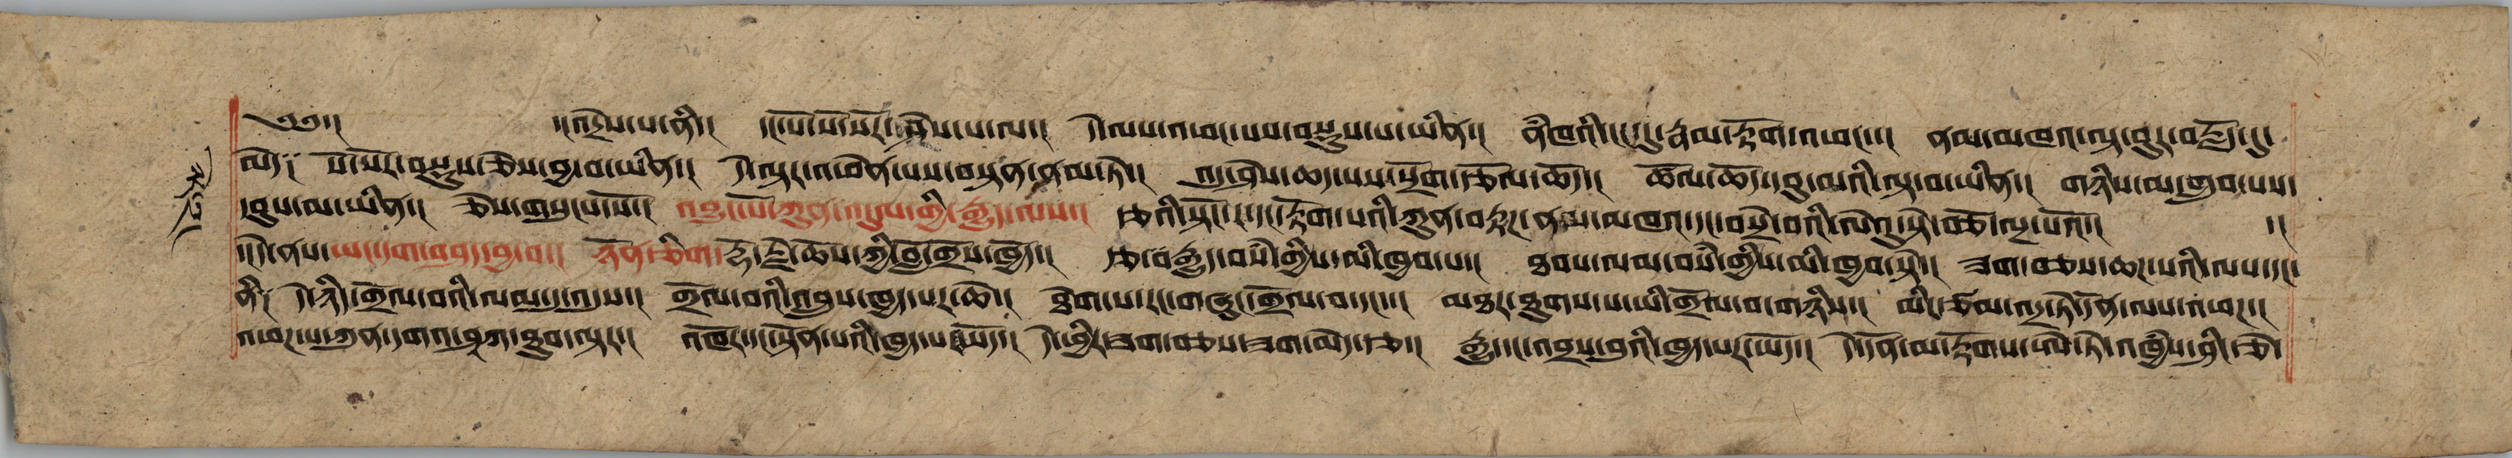༄༅་། ་།འདྲེས་པ་ནི་། དང་པོ་སོ་སོར་ཤེས་པ་ལ་། དེ་ལས་འཕང་པས་བསྡུས་པ་ཡིན་། ནཾཁའི་ངང་དུ་རྣམ་རྟོག་འཕང་་། ནམ་མཁའ་ལྟ་བུར་བརྗོད་དུ་
མེད༑ སོ་སོར་བསྡུས་ཅེས་བྱ་བ་ཡིན་། དེ་ལྟར་འཕེན་པས་བསྟན་ནམ་ཏེ་། འདུ་ཤེས་ཆད་པས་སྲོག་རྩོལ་ཆོད་། ཚོལ་ཆོད་དབུ་མའི་ལྟ་བ་ཡིན་། གཉིས་མ་གྲུབ་པས་
དབུས་མ་ཡིན་། ཅེས་གསུངས་སོ་། འབྱུང་པོ་ཀུན་འདུལ་གྱི་རྒྱུད་ལས་། རྩའི་སྟོང་ར་དང་རྟོག་པའི་ཀུན་བརྟཌ་ནམ་མཁའ་དང་བསྲེ་བའི་ལེའུ་སྟེ་བཅོ་ལྔ་པའོ་། ་།
་ངདེ་ནས་ཡང་དག་བཤད་བྱ་བ་། ཉོན་ཅིག་རྡོ་རྗེ་ཆོས་ཀྱི་བློ་གྲོས་ཁྱོད་། རྩ་བརྒྱུད་བསཾ་གྱིས་མི་ཁྱབ་པ་། ཐབས་ལམ་བསཾ་གྱིས་མི་ཁྱབ་སྟེ་། ཟག་བཟས་ཆཌ་པའི་ལས་དང་
ནི༑ དེ་ཉིད་གྲོལ་བའི་ལམ་དུ་འདུས་། གྲོལ་བའི་འབྲུས་ཁྱད་པར་ཆེ་། ཐེག་པ་རང་གཞུང་གྲོལ་བ་དང་་། མཐར་ཐུགས་པ་ཡི་གྲོལ་བ་གཉིས་། མིང་ཙམ་འདྲ་ཏེ་དོན་ལས་འཕཌ་།
འཕཌ་པ་ཀུན་དགའ་ཤཱཀ་ཐུབ་ལྟར་། འཁོར་དང་སྟོན་པའི་ཁྱད་པར་ཡོད་། དེ་ཕྱིར་ཟག་བཅས་ཟག་མེད་རྩ་། རྒྱུ་དང་འབྲས་བུའི་ཁྱད་པར་ཡོད་། དེ་དོན་མ་རྟོགས་ཨེ་ཏེ་འཁྱིས་ཤིང་ཅེ་